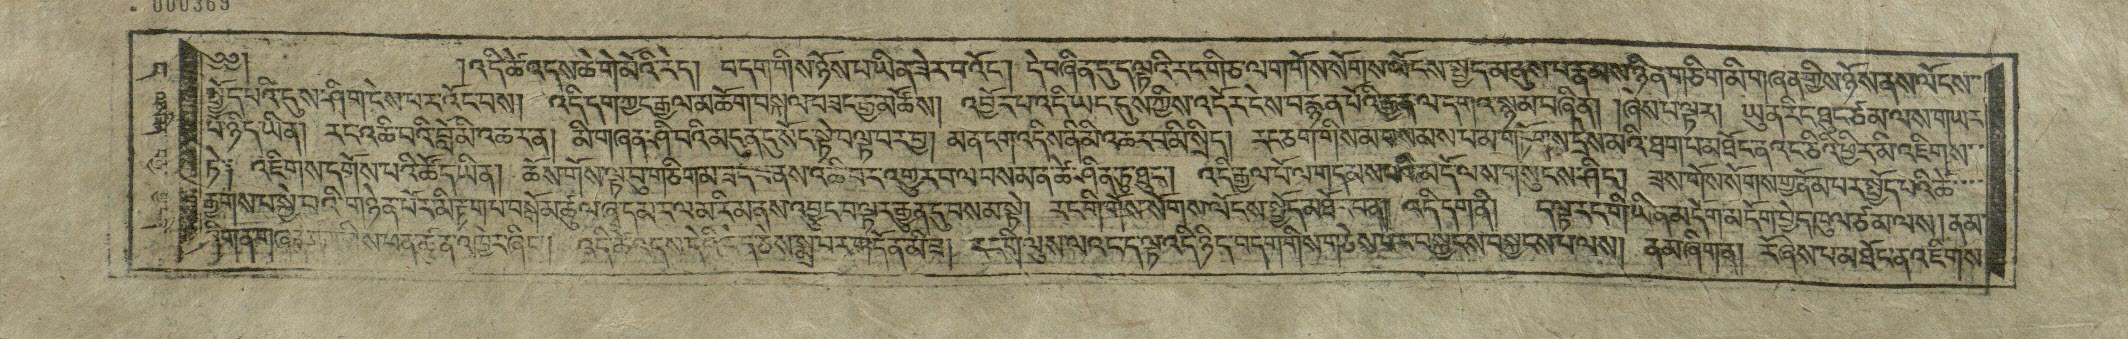༄༅། །འདི་ཚེ་འདས་ཆེ་གེ་མོའི་རེད། བདག་གིས་ཉོས་པ་ཡིན་ཟེར་བ་འོང་། དེ་བཞིན་དུ་ད་ལྟའི་རང་གི་ཅ་ལག་གོས་སོགས་ལོངས་སྤྱད་མ་ནུས་པ་རྣམས་ཉིན་གཅིག་མི་གཞན་གྱིས་ཉོས་ནས་ལོངས་
སྤྱོད་པའི་དུས་ཤིག་ངེས་པར་འོང་བས། འདི་དག་ཀྱང་རྒྱལ་མཆོག་བསྐལ་བཟང་རྒྱ་མཚོས། འབྱོར་པ་འདི་ཡང་དུས་ཀྱིས་འདོར་ངེས་བརྙན་པོའི་རྒྱན་ལ་དགའ་སྙམ་བཞིན། །ཞེས་པ་ལྟར། ཡུན་རིང་ཐུང་ཙམ་ལས་གཡར་
པོ་ཉིད་ཡིན། རང་འཆི་བའི་བློ་མི་འཆར་ན། མི་གཞན་ཤི་བའི་མདུན་དུ་སོང་སྟེ་བལྟ་བར་བྱ། མན་ངག་འདིས་ནི་མི་འཆར་བ་མི་སྲིད། རང་ཅག་གིས་མ་བསམས་པ་མ་གཏོགས་དྲེས་མའི་ཐག་པ་མཐོང་ནའང་ཅིའི་ཕྱིར་མི་འཇིགས་
ཏེ༑ འཇིགས་དགོས་པའི་ཚོད་ཡིན། ཆོས་གོས་ལྟ་བུ་གཅིག་མ་ཟད་པ་ནས་འཆི་བར་འགྱུར་བ་ལ་བསམ་ན་ཚེ་ཤིན་ཏུ་ཐུང་། འདི་རྒྱལ་པོ་ལ་གདམས་པའི་མདོ་ལས་གསུངས་ཤིང་། ཟས་གོས་སོགས་གྱ་ནོམ་པར་སྤྱོད་པའི་ཚེ་
རྒྱགས་པ་སྐྱེ་བའི་གཉེན་པོར་མི་རྟག་པ་བསྒོམ་ཚུལ་ཞྭ་དམར་ལམ་རིམ་ནས་འབྱུང་བ་ལྟར་རྒྱུན་དུ་བསམ་སྟེ། རང་གི་གོས་སོགས་ལོངས་སྤྱོད་མཐོང་བ་ན། འདི་དག་ནི། ད་ལྟ་རང་གི་ཡིན་མདོག་མདོག་བྱེད་ཁུལ་ཙམ་ལས། ནམ་
ཞིག་ན་གཞན་དག་གིས་ཕན་ཚུན་འཁྱེར་ཞིང་། འདི་ཚེ་འདས་དེའི་རེད་ཅེས་སྨྲ་བར་གདོན་མི་ཟ། རང་གི་ལུས་ལའང་ད་ལྟ་འདི་ཉིད་བདག་གིས་གཅེས་པར་བསྐྱངས་བསྐྱངས་པ་ལས། ནམ་ཞིག་ན། རོ་ཞེས་པ་མཐོང་ན་འཇིགས་